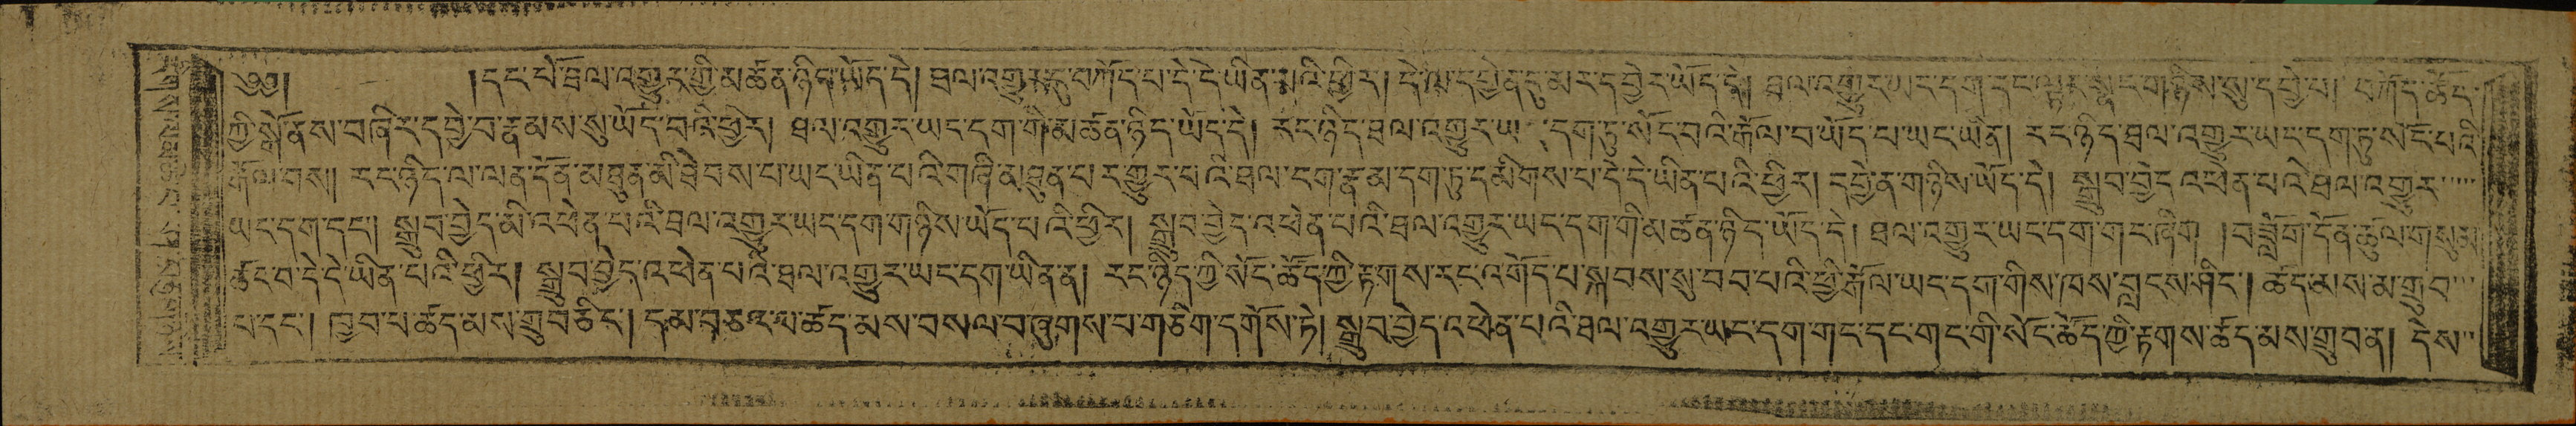༄༅། །དང་པོ་ཐལ་འགྱུར་གྱི་མཚན་ཉིད་ཡོད་དེ། ཐལ་འགྱུར་དུ་བཀོད་པ་དེ་དེ་ཡིན་པའི་ཕྱིར། དེ་ལ་དབྱེ་ན་དུ་མར་དབྱེར་ཡོད་དེ། ཐལ་འགྱུར་ཡང་དག་དང་ལྟར་སྣང་གཉིས་སུ་དབྱེ་བ། བཀོད་ཆོད་
ཀྱི་སྒོ་ནས་བཞིར་དབྱེ་བ་རྣམས་སུ་ཡོད་པའི་ཕྱིར། ཐལ་འགྱུར་ཡང་དག་གི་མཚན་ཉིད་ཡོད་དེ། རང་ཉིད་ཐལ་འགྱུར་ཡང་དག་ཏུ་སོང་བའི་རྒོལ་བ་ཡོད་པ་ཡང་ཡིན། རང་ཉིད་ཐལ་འགྱུར་ཡང་དག་ཏུ་སོང་པའི་
རྒོལ་བས། རང་ཉིད་ལ་ལན་དོན་མཐུན་མི་ཐེབས་པ་ཡང་ཡིན་པའི་གཞི་མཐུན་པར་གྱུར་པའི་ཐལ་ངག་རྣམ་དག་ཏུ་དམིགས་པ་དེ་དེ་ཡིན་པའི་ཕྱིར། དབྱེ་ན་གཉིས་ཡོད་དེ། སྒྲུབ་བྱེད་འཕེན་པའི་ཐལ་འགྱུར་
ཡང་དག་དང་། སྒྲུབ་བྱེད་མི་འཕེན་པའི་ཐལ་འགྱུར་ཡང་དག་གཉིས་ཡོད་པའི་ཕྱིར། སྒྲུབ་བྱེད་འཕེན་པའི་ཐལ་འགྱུར་ཡང་དག་གི་མཚན་ཉིད་ཡོད་དེ། ཐལ་འགྱུར་ཡང་དག་གང་ཞིག །བཟློག་དོན་ཚུལ་གསུམ་
ཚང་བ་དེ་དེ་ཡིན་པའི་ཕྱིར། སྒྲུབ་བྱེད་འཕེན་པའི་ཐལ་འགྱུར་ཡང་དག་ཡིན་ན། རང་ཉིད་ཀྱི་སོང་ཚོད་ཀྱི་རྟགས་རང་འགོད་པ་སྐབས་སུ་བབ་པའི་ཕྱི་རྒོལ་ཡང་དག་གིས་ཁས་བླངས་ཤིང་། ཚད་མས་མ་གྲུབ་
པ་དང་། ཁྱབ་པ་ཚད་མས་གྲུབ་ཅིང་། དམ་བཅའ་ལ་ཚད་མས་བསལ་བ་ཞུགས་པ་གཅིག་དགོས་ཏེ། སྒྲུབ་བྱེད་འཕེན་པའི་ཐལ་འགྱུར་ཡང་དག་གང་དང་གང་གི་སོང་ཚོད་ཀྱི་རྟགས་ཚད་མས་གྲུབ་ན། དེས་